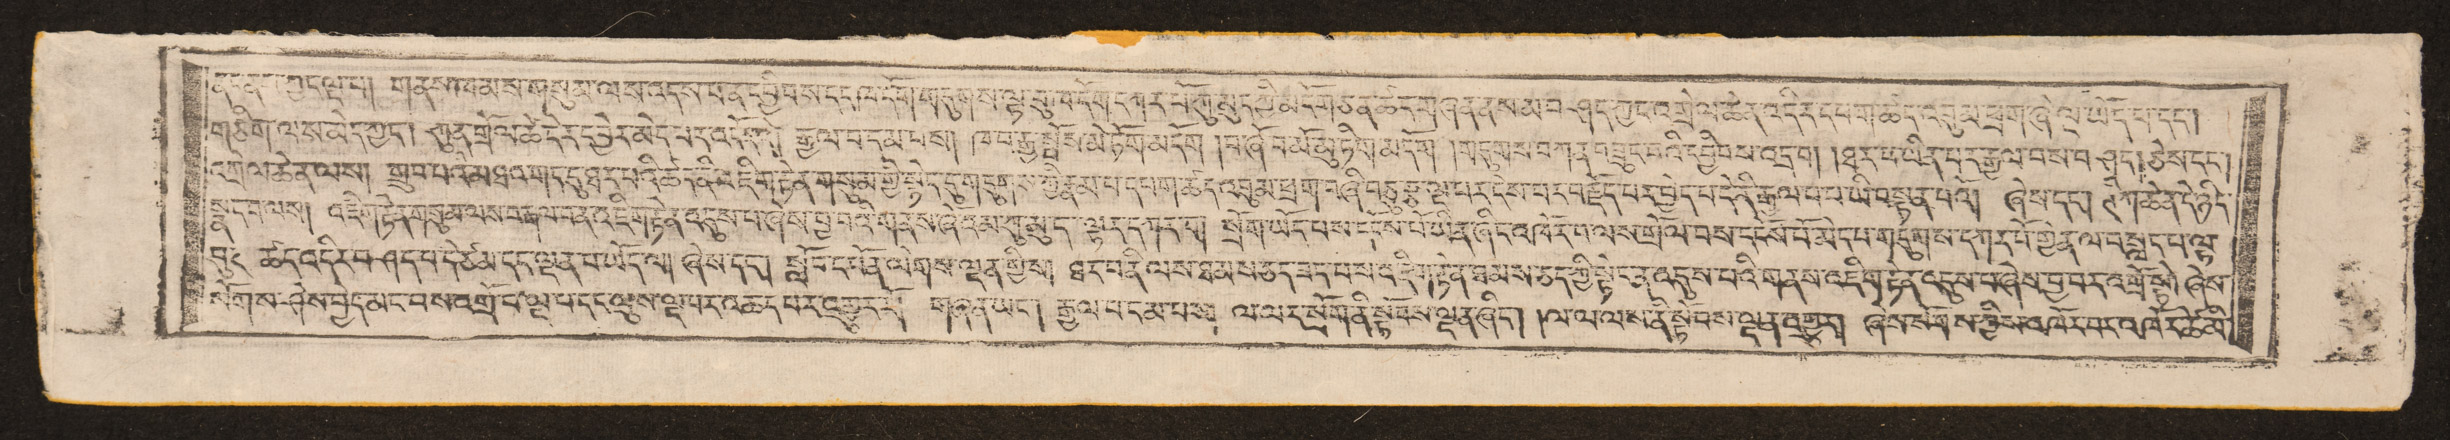ནང་ནས་ཀྱང་ལྔ་པ། གནས་ཁམས་གསུམ་ལས་འདས་གན་དབྱིབས་དང་ཁ་དོག་གདུགས་ལྟ་བུ་ཁ་དོག་དཀར་པོ་ཀུ་མུད་ཀྱི་མདོག་ཅན་ཚང་གཞན་ནས་མ་བཤད་ཀྱང་འགྲེལ་ཆེན་འདིར་དཔག་ཚད་འབུམ་ཕྲག་ཞེ་ལྔ་ཡོད་པ་དང་།
གཅིག་ལས་མེད་ཀྱང་། ཀུན་གྲོལ་ཚེ་དེར་དབྱེར་མེད་པར་འདོད་དེ། རྒྱལ་བ་དམ་པས། ཁ་བརྒྱ་སྤོས་མེ་ཏོག་མདོག །བ་ཞོབ་མོ་མུ་ཏིག་མདོག །གདུགས་བཀན་བཟུང་པའི་དབྱིབས་འདྲ་བ། །ཐར་བ་ཡིན་པར་རྒྱལ་བས་བཤད། ཅེས་དང་།
འགྲེལ་ཆེན་ལས། གྲུབ་པའི་མཐའ་གང་དུ་ཐར་པའི་ཚད་ནི་འཇིག་རྟེན་གསུམ་གྱི་སྟེང་དུ་གདུགས་གྱི་རྣམ་པ་དཔག་ཚད་འབུམ་ཕྲག་བཞི་བཅུ་རྩ་ལྔ་པར་ངེས་པར་བརྗོད་པར་བྱེད་པ་དེ་ནི་རྒྱལ་བ་པ་ཡི་བསྟན་པའོ། ཞེས་དང་། ཊིཀ་ཆེན་དེ་ཉིད་
སྣང་བ་ལས། འཇིག་རྟེན་གསུམ་ལས་བརྒལ་བ་ན་འཇིག་རྟེན་འདུས་པ་ཞེས་བྱ་བའི་གནས་ཞོ་འམ་ཀུ་མུད་ལྟར་དཀར་བ། སྲོག་ཡོད་བས་དངོས་པོ་ཡིན་ཞིང་འཁོར་བ་ལས་གྲོལ་བས་དངོས་པོ་མེད་པ་གདུགས་དཀར་པོ་གྱེན་ལ་བསླང་བ་ལྟ་
བུ༑ ཚད་འདིར་བཤད་པ་དེ་ཙམ་དང་ལྡན་པ་ཡོད་ལ། ཞེས་དང་། སློབ་དཔོན་ལེགས་ལྡན་གྱིས། ཐར་པ་ནི་ལས་ཐམས་ཅད་ཟད་པས་འཇིག་རྟེན་ཐམས་ཅད་ཀྱི་སྟེང་ན་འདུས་པའི་གནས་འཇིག་རྟེན་འདུས་པ་ཞེས་བྱ་བར་འགྲོ་སྟེ། ཞེས་
སོགས་ཤེས་བྱེད་མང་བས་འགྲོ་པ་ལྔ་པ་དང་ལུས་ལྔ་བར་འཆད་པར་འགྱུར་རོ། གཞན་ཡང་། རྒྱལ་བ་དམ་པས། ལ་ལར་སྲོག་ནི་སྟོབས་ལྡན་ཞིང་། །ལ་ལ་ལས་ནི་སྟོབས་ལྡན་འགྱུར། ཞེས་སོགས་ཀྱིས་འཁོར་བར་འཁོར་ཚེ་མི་